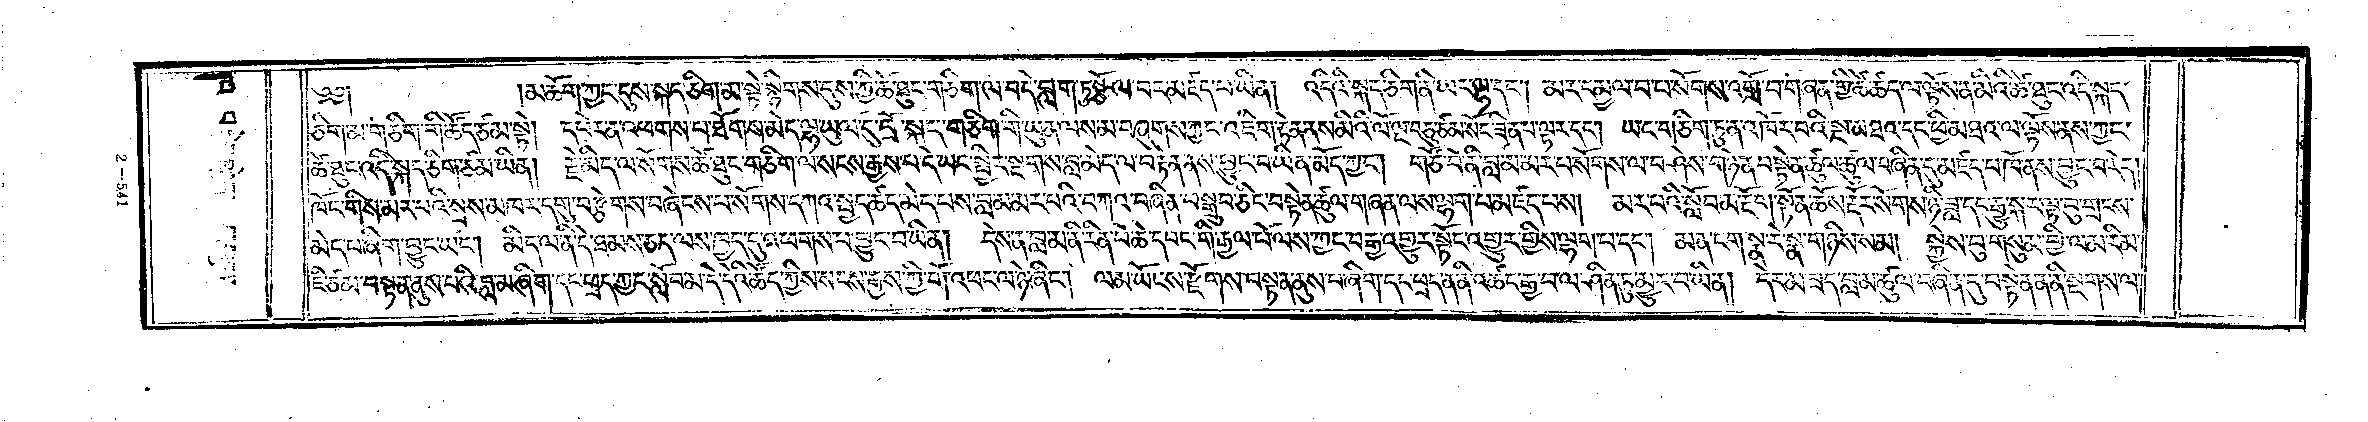༄༅། །མཆོག་ཀྱང་དུས་སྐད་ཅིག་མ་སྟེ་སྙིགས་དུས་ཀྱི་ཚེ་ཐུང་གཅིག་ལ་བདེ་བླག་ཏུ་སྩོལ་བར་མཛད་པ་ཡིན། འདིའི་སྐད་ཅིག་ནི་ཡར་ལྷ་དང་། མར་དམྱལ་བ་པ་སོགས་འགྲོ་བ་གཞན་གྱི་ཚེ་ཚད་ལ་ལྟོས་ན་མིའི་ཚེ་ཐུང་འདི་སྐད་
ཅིག་མ་གཅིག་གི་ཚོད་ཙམ་སྟེ། དཔེར་ན་འཕགས་པ་ཐོགས་མེད་ལྷ་ཡུལ་དུ་དྲོ་སྐད་གཅིག་གི་ཡུན་ལས་མ་བཞུགས་ཀྱང་འཇིག་རྟེན་ནས་མིའི་ལོ་ལྔ་བཅུ་ཙམ་སོང་ཟིན་པ་ལྟར་དང་། ཡང་གཅིག་ཏུ་ན་འཁོར་བའི་སྔ་མཐའ་དང་ཕྱི་མཐའ་ལ་ལྟོས་ནས་ཀྱང་
ཚེ་ཐུང་འདི་སྐད་ཅིག་ཙམ་ཡིན། རྗེ་མིད་ལ་སོགས་ཚེ་ཐུང་གཅིག་ལ་སངས་རྒྱས་པ་དེ་ཡང་སྤྱིར་སྔགས་བླ་མེད་ལ་བརྟེན་ནས་བྱུང་བ་ཡིན་མོད་ཀྱང་། གཙོ་བོ་ནི་བླ་མ་མར་པ་སོགས་ལ་བཤེས་གཉེན་བསྟེན་ཚུལ་ཚུལ་བཞིན་དུ་མཛད་པ་ཁོ་ནས་བྱུང་བ་རེད།
ཁོང་གིས་མར་པའི་སྲས་མཁར་དགུ་བརྩེགས་བཞེངས་པ་སོགས་དཀའ་སྤྱད་ཚད་མེད་པས་བླ་མ་མར་པའི་བཀའ་བཞིན་བསྒྲུབ་ཅིང་བསྟེན་ཚུལ་གཞན་ལས་ལྷག་པ་མཛད་པས། མར་པའི་སློབ་མ་རྡོག་སྟོན་ཆོས་རྡོར་སོགས་ཉི་ཟླ་དང་རྒྱུ་སྐར་ལྟ་བུ་གྲངས་
མེད་པ་ཞིག་བྱུང་ཡང་། མིད་ལ་ནི་དེ་ཐམས་ཅད་ལས་ཁྱད་དུ་འཕགས་པ་བྱུང་བ་ཡིན། དེས་ན་བླ་མ་ནི་རིན་པོ་ཆེ་དབང་གི་རྒྱལ་པོ་ལས་ཀྱང་བརྒྱ་འགྱུར་སྟོང་འགྱུར་གྱིས་ལྷག་པ་དང་། མན་ངག་སྣ་རེ་སྣ་གཉིས་སམ། སྐྱེས་བུ་གསུམ་གྱི་ལམ་རིམ་
ཇི་ཙམ་བསྟན་ནུས་པའི་བླ་མ་ཞིག་དང་ཕྲད་ཀྱང་སློབ་མ་དེ་དེའི་ཚོད་ཀྱིས་སངས་རྒྱས་ཀྱི་གོ་འཕང་ལ་ཉེ་ཞིང་། ལམ་ཡོངས་རྫོགས་བསྟན་ནུས་པ་ཞིག་དང་ཕྲད་ན་ནི་འཚང་རྒྱ་པ་ལ་ཤིན་ཏུ་མྱུར་བ་ཡིན། དེར་མ་ཟད་བླ་མ་ཚུལ་བཞིན་དུ་བསྟེན་ན་ནི་སྔགས་ལ་